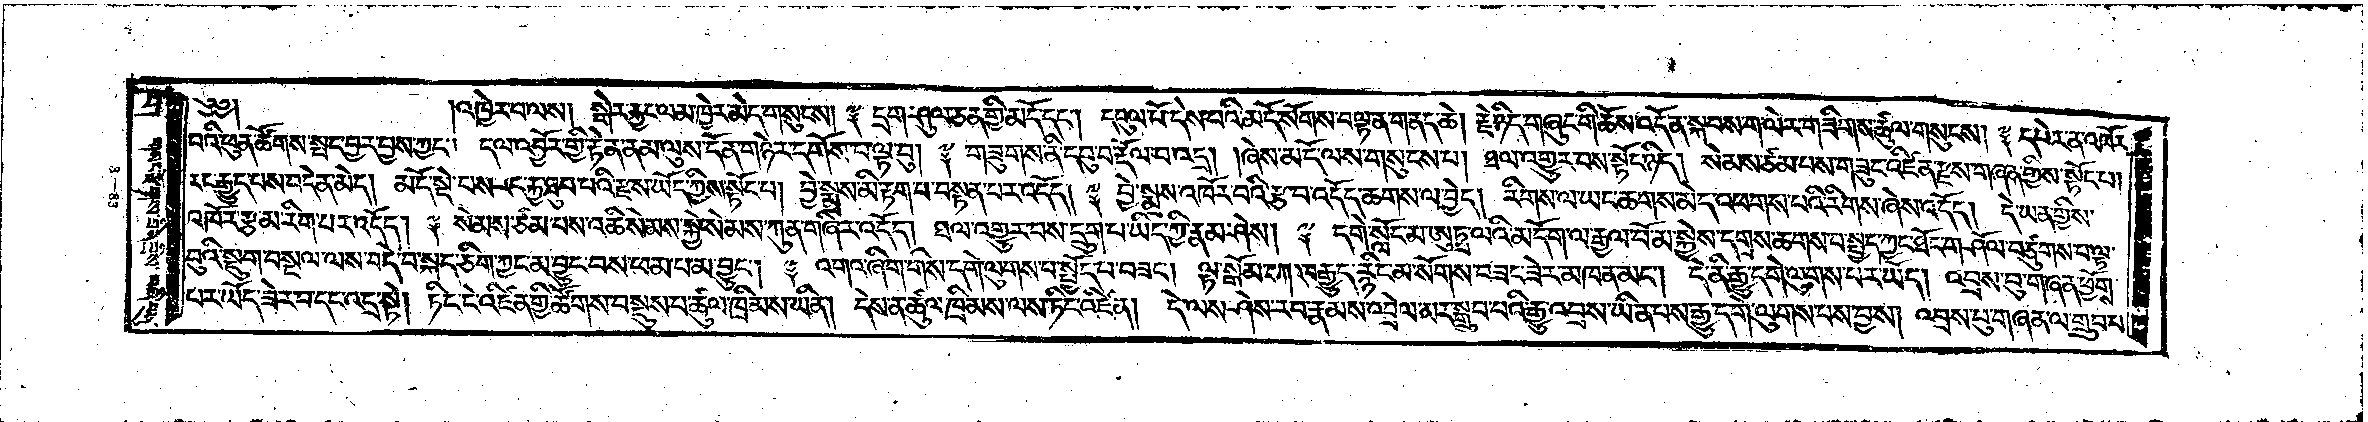༄༅། །འཁྱེར་བ་ལས། སྒེར་རྐྱང་ལམ་ཁྱེར་མེད་གསུངས། ༈ དྲག་ཤུལ་ཅན་གྱི་མདོ་དང་། དབུལ་པོ་དེས་པའི་མདོ་སོགས་བལྟ་ན་གནད་ཆེ། རྗེ་ཉིད་གཞུང་གི་ཆོས་འདོན་སྐབས་ག་ལེར་གཟིགས་ཚུལ་གསུངས། ༈ དཔེར་ན་འཁོར་
བའི་ཕུན་ཚོགས་སྤང་བྱར་བྱས་ཀྱང་། དལ་འབྱོར་གྱི་རྟེན་ནམ་ལུས་དོན་གཉེར་དགོས་པ་ལྟ་བུ། ༈ གཟུགས་ནི་དབུ་བ་རྡོལ་བ་འདྲ། །ཞེས་མདོ་ལས་གསུངས་པ། ཐལ་འགྱུར་བས་སྟོང་ཉིད། སེམས་ཙམ་པས་གཟུང་འཛིན་རྫས་གཞན་གྱིས་སྟོང་པ།
རང་རྒྱུད་པས་བདེན་མེད། མདོ་སྡེ་པས་རང་རྐྱ་ཐུབ་པའི་རྫས་ཡོད་ཀྱིས་སྟོང་པ། བྱེ་སྨྲས་མི་རྟག་པ་བསྟན་པར་འདོད། ༈ བྱེ་སྨྲས་འཁོར་བའི་རྩ་བ་འདོད་ཆགས་ལ་བྱེད། རིགས་ལ་ཡང་ཆགས་མེད་འཕགས་པའི་རིགས་ཞེས་འདོད། དེ་ཡན་གྱིས་
འཁོར་རྩམ་རིག་པར་འདོད། ༈ སེམས་ཙམ་པས་འཆི་སེམས་སྐྱེ་སེམས་ཀུན་གཞིར་འདོད། ཐལ་འགྱུར་བས་དྲུག་པ་ཡིད་ཀྱི་རྣམ་ཤེས། ༈ དགེ་སློང་མ་ཨུཏྤ་ལའི་མདོག་ལ་རྒྱལ་པོ་མ་སྐྱེས་དགྲས་ཆགས་པ་སྤྱད་ཀྱང་ཐོང་གཤོལ་བཙུགས་པ་ལྟ་
བུའི་སྡུག་བསྔལ་ལས་བདེ་བ་སྐད་ཅིག་ཀྱང་མ་བྱུང་བས་ཕམ་པ་མ་བྱུང་། ༈ འགའ་ཞིག་གིས་དགེ་ལུགས་པ་སྤྱོད་པ་བཟང་། ལྷ་སྒོམ་བཀའ་བརྒྱུད་རྙིང་མ་སོགས་བཟང་ཟེར་མཁན་མང་། དེ་ནི་རྒྱུ་དགེ་ལུགས་པར་ཡོད། འབྲས་བུ་གཞན་ཕྱོགས་
པར་ཡོད་ཟེར་བ་དང་འདྲ་སྟེ། ཏིང་ངེ་འཛིན་གྱི་ཚོགས་བསྡུས་པ་ཚུལ་ཁྲིམས་ཡིན། དེས་ན་ཚུལ་ཁྲིམས་ལས་ཏིང་འཛིན། དེ་ལས་ཤེས་རབ་རྣམས་འབྲེལ་མར་སྒྲུབ་པའི་རྒྱུ་འབྲས་ཡིན་པས་རྒྱུ་དགེ་ལུགས་པས་བྱས། འབྲས་པུ་གཞན་ལ་གྲུབ་པ་